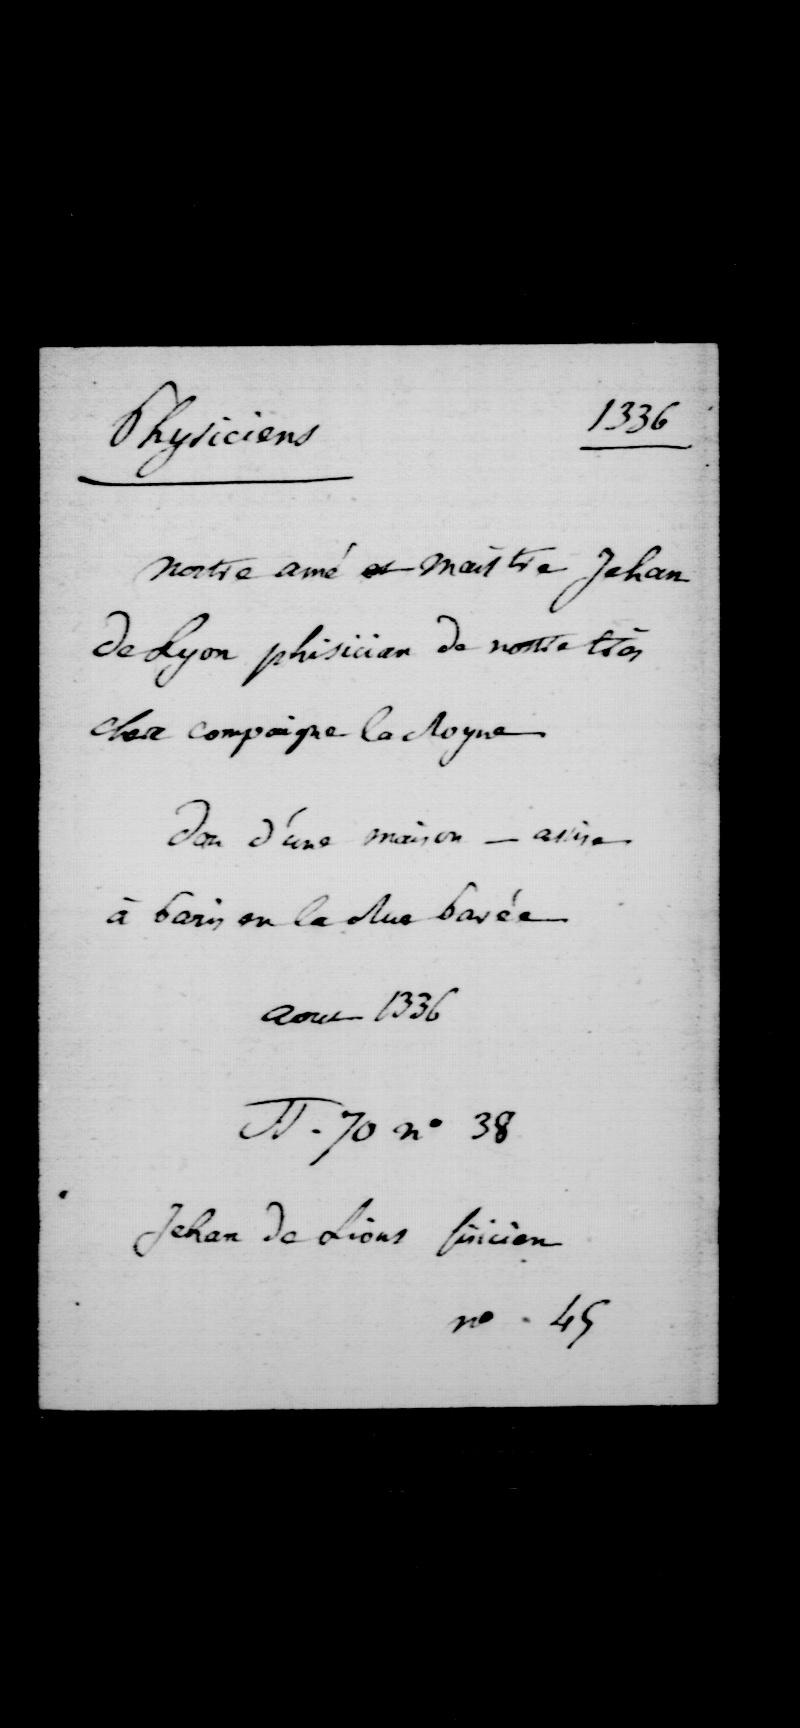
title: Physiciens
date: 1336
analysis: nostre amé et maistre Jehan de Lyon phisicien de nostre très chere compaigne la Royne Don d'une maison - assise à Paris en la Rue Pavée Jehan de Lions fisicien
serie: JJ
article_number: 70
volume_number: n° 38, 45
